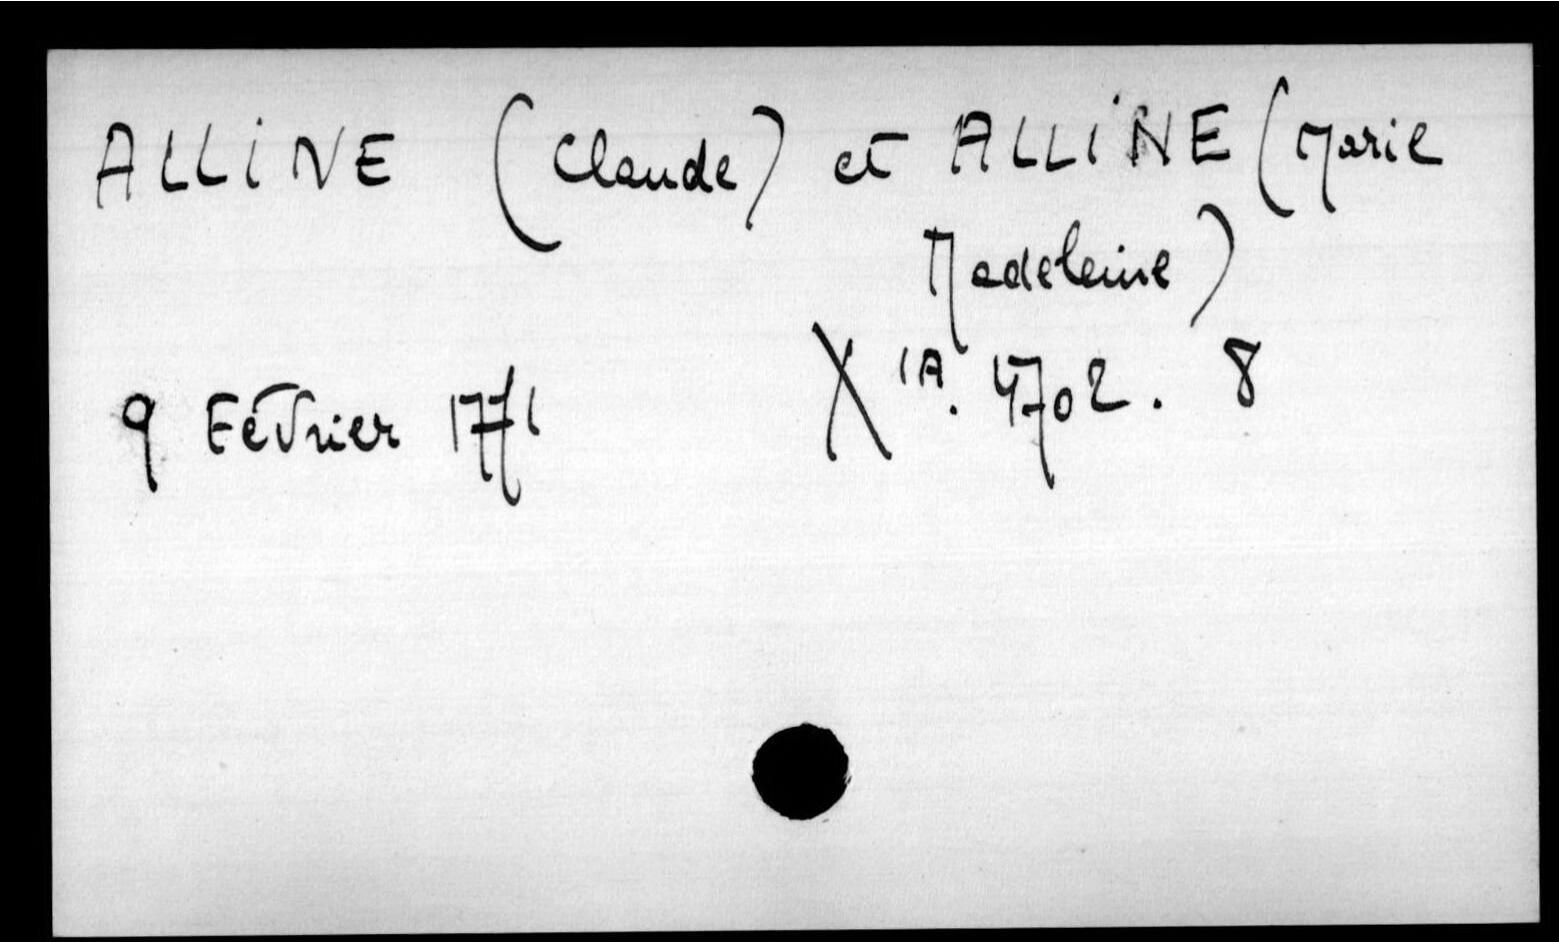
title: ALLINE (Claude) et ALLINE (Marie Medeleine)
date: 9 février 1771
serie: X1A
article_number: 4702
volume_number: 8
